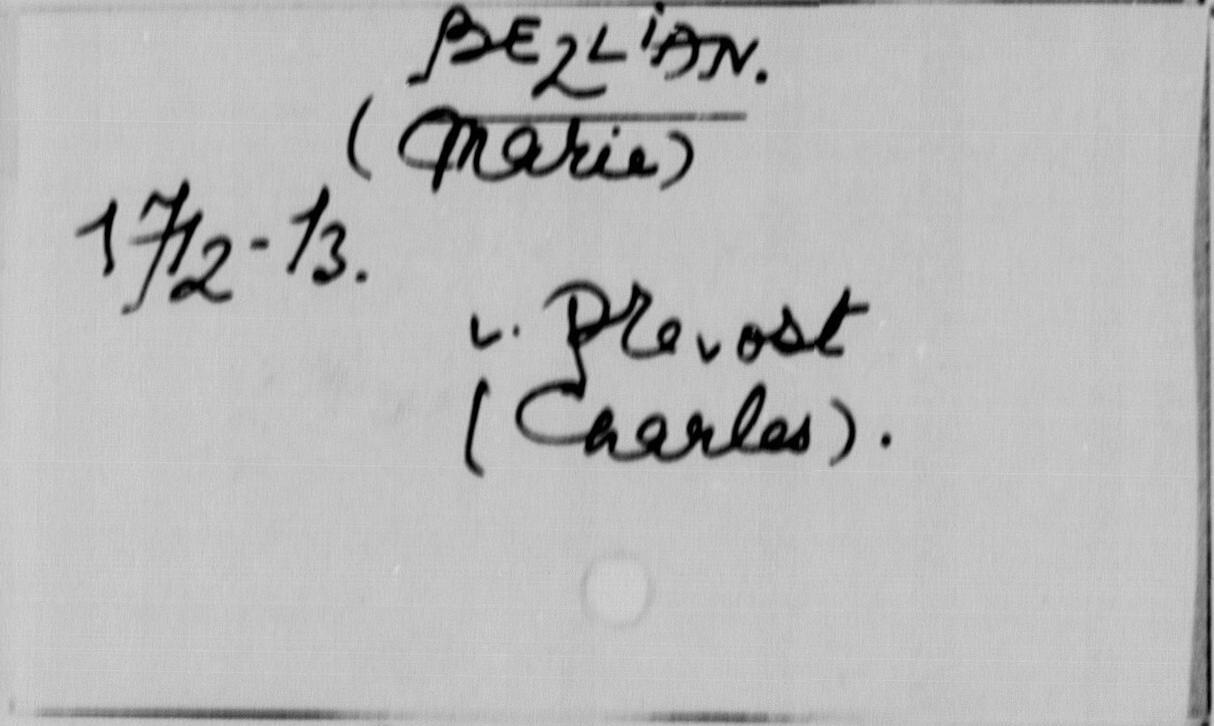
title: BELLIAN (Marie)
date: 1712-1713
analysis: Voir PREVOST (Charles)
